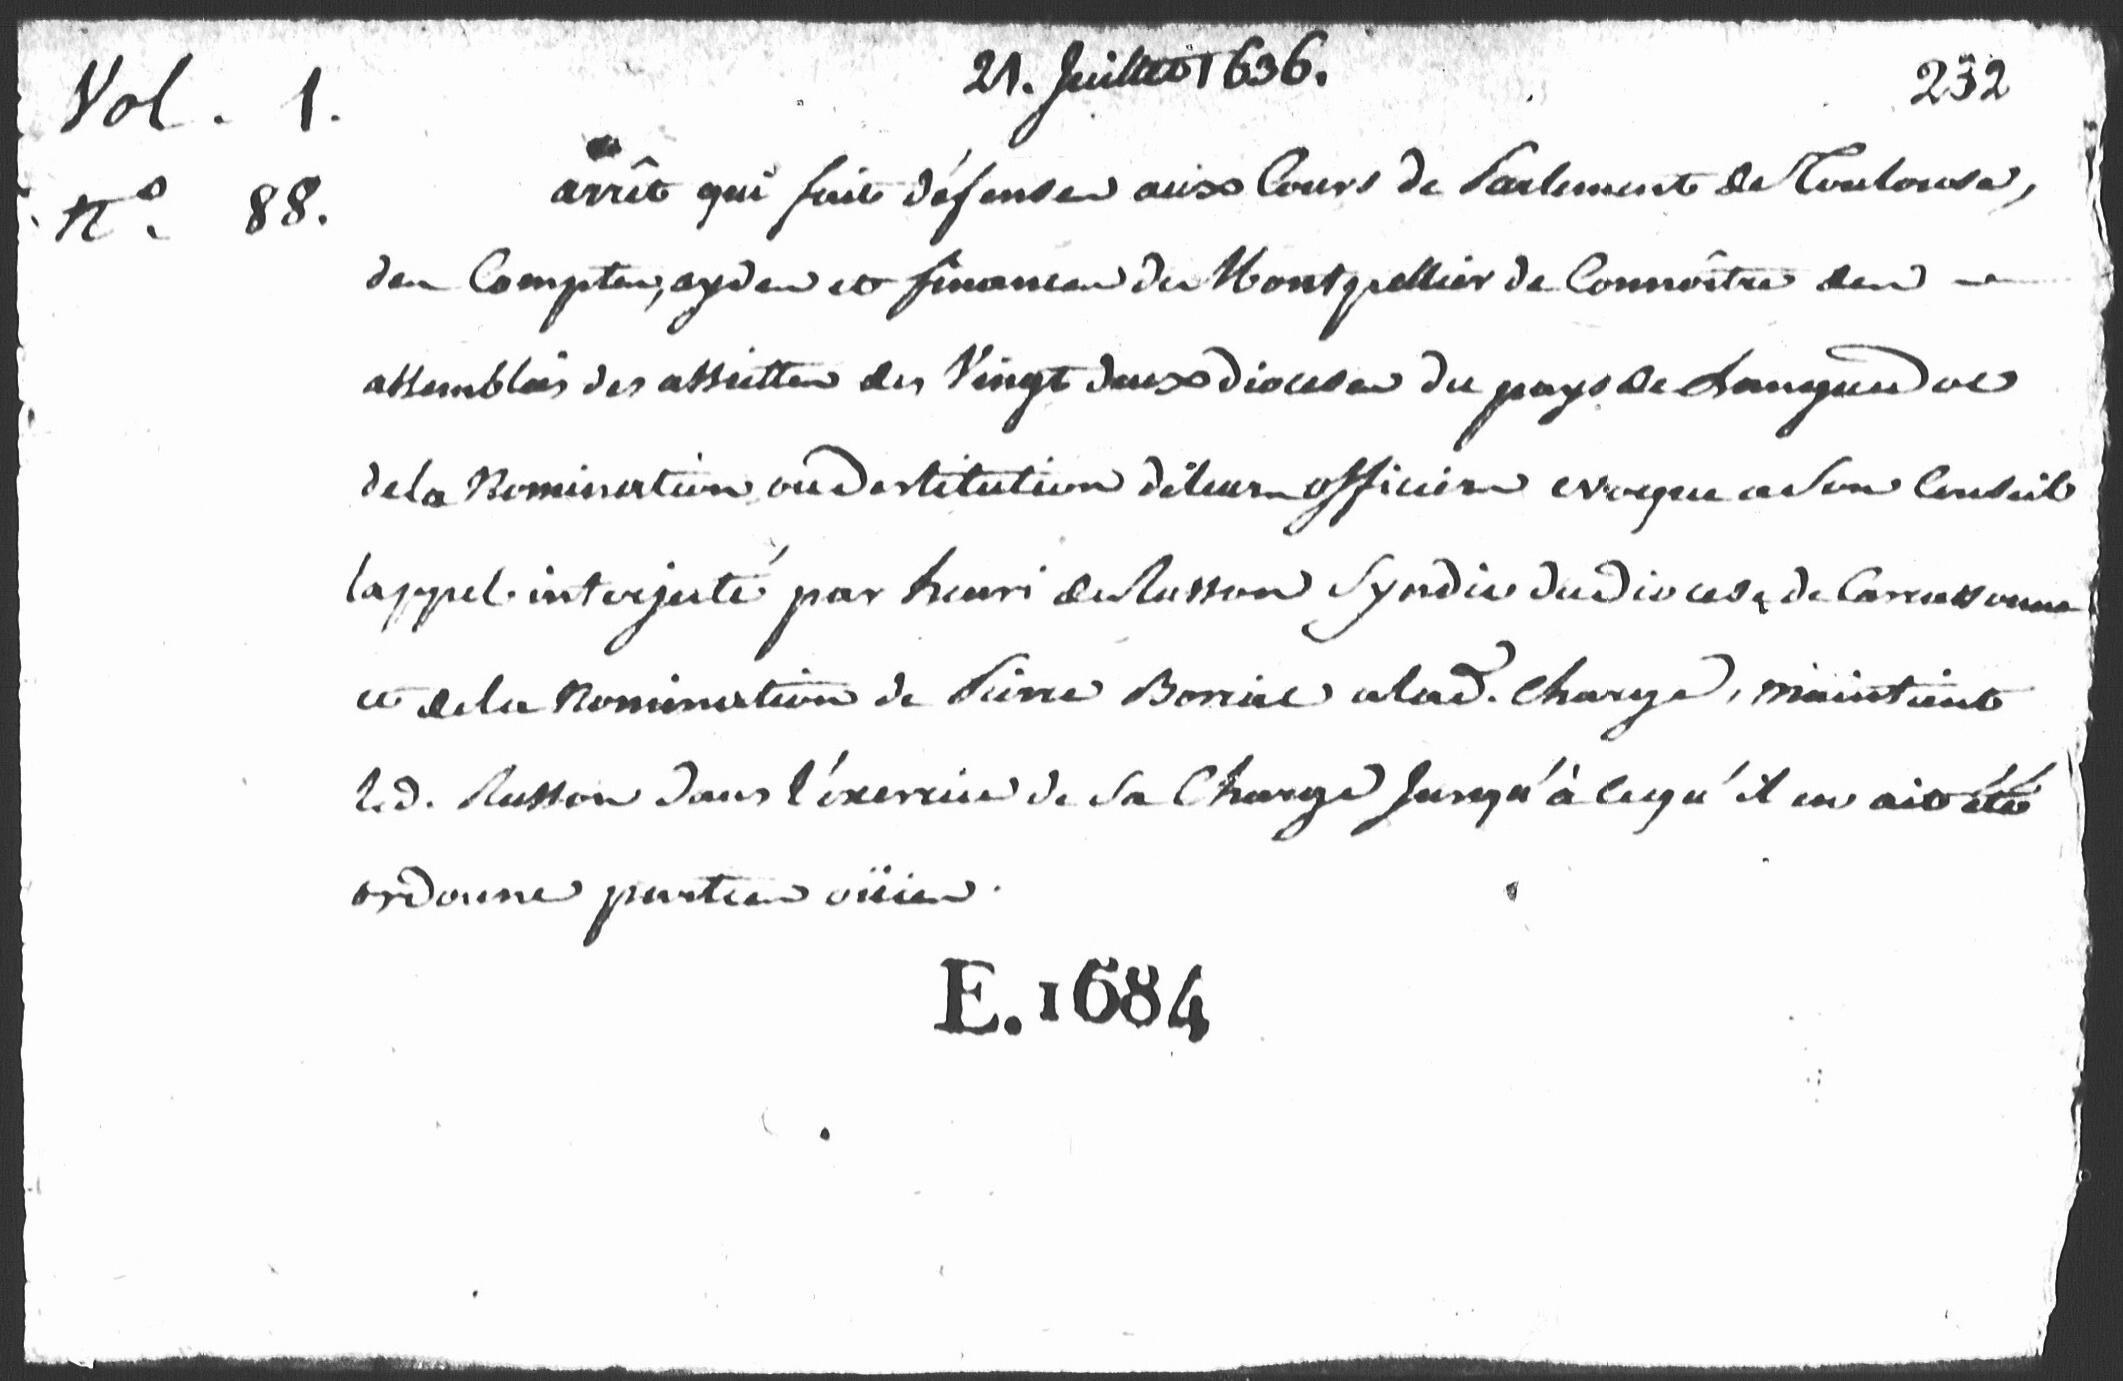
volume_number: n°88
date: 21 juillet 1636
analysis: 232
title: arrêt qui fait défenses aux Cours de Parlement de Toulouse, des Comptes, aydes et finances de Montpellier de connoître des assemblées des assiettes des vingt deux dioceses du pays de Languedoc de la nomination ou destitution de leurs officiers evoque a son Conseil l'appel interjecté par henri de Russon syndic du diocese de Carcassonne et de la nomination de Pierre Boriac a lad. charge, maintient led. Russon dans l'exercice de sa charge jusqu'à ce qu'il en ait été ordonne parties ouies
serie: E
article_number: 1684
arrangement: vol. 1
